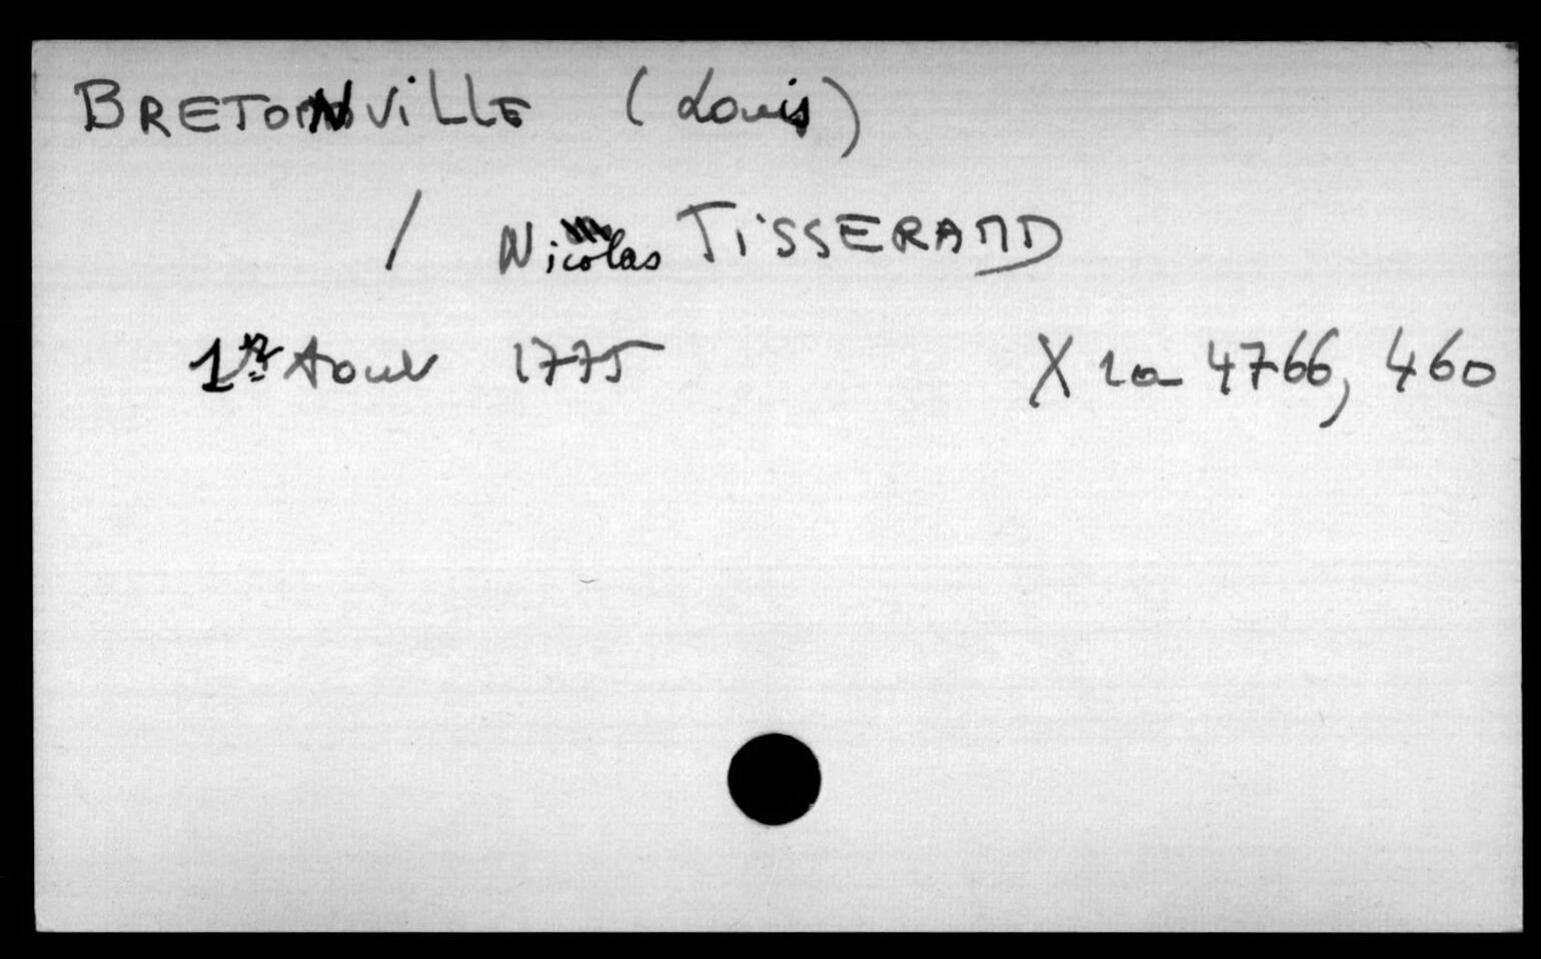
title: BRETONVILLE (Louis)
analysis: Contre Nicolas TISSERAND
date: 1 août 1775
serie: X1a
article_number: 4766
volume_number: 460
